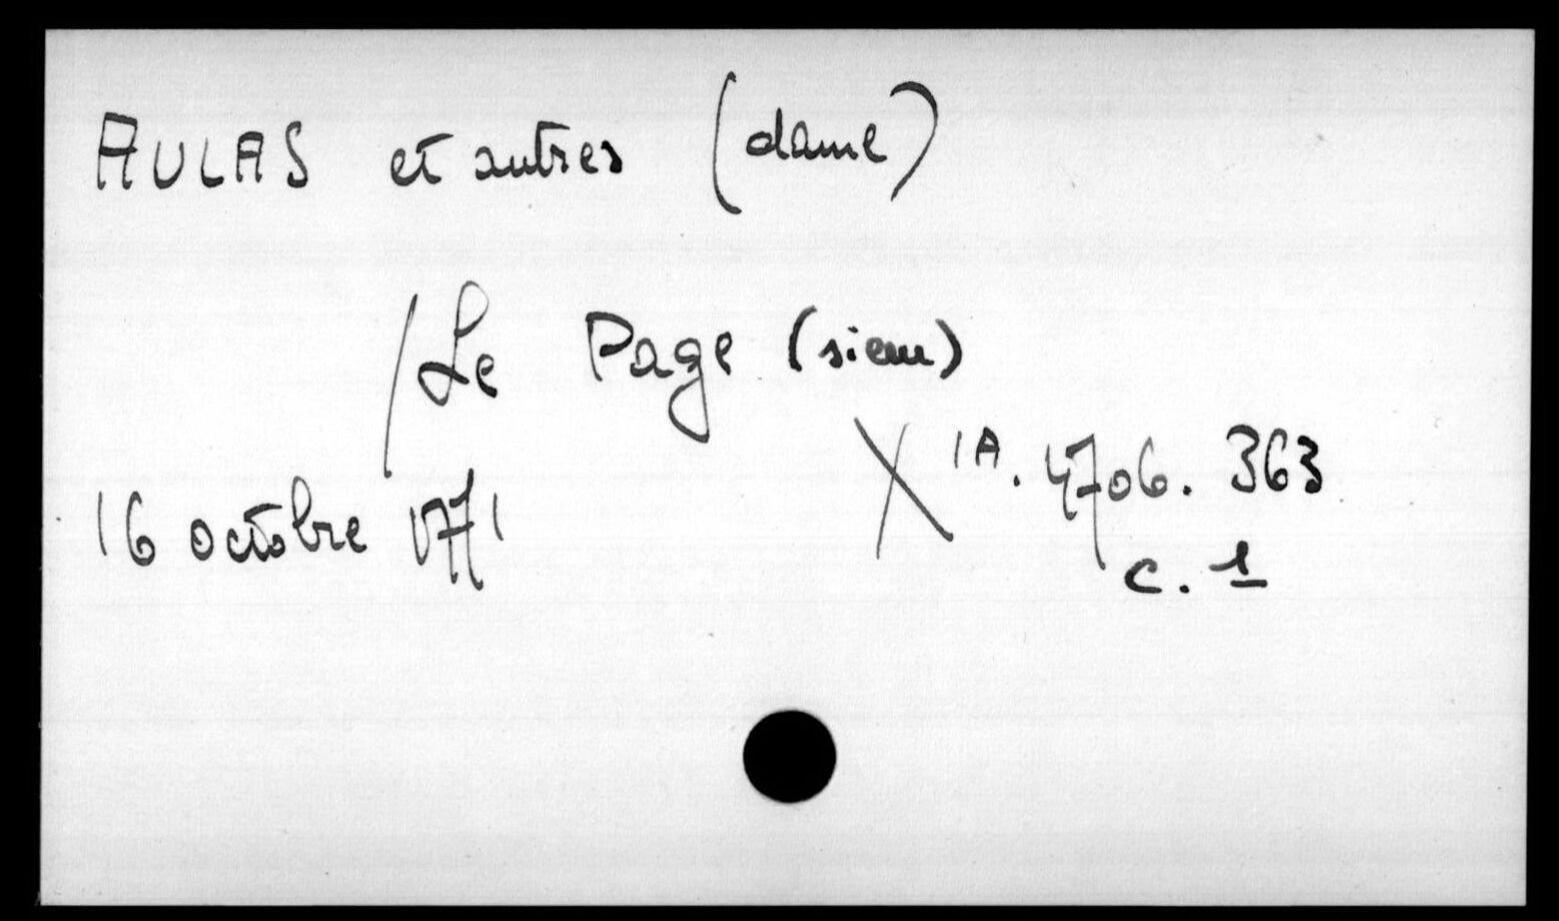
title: AULAS et autres (dame)
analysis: Contre Le Page (sieur)
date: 16 octobre 1771
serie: X1A
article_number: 4706
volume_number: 363 Conseil 1
